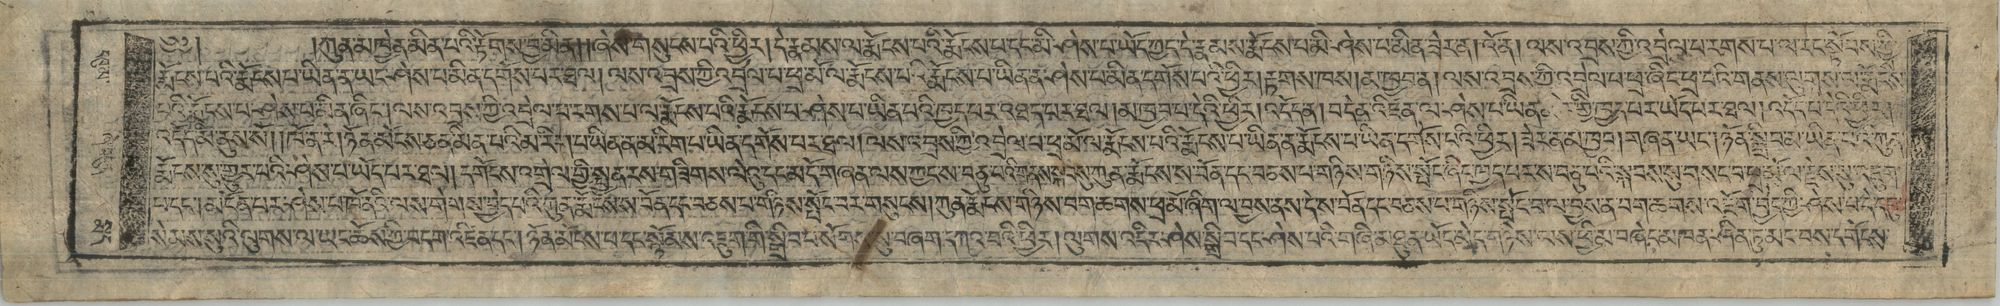༄༅། །ཀུན་མཁྱེན་མིན་པའི་རྟོགས་བྱ་མིན། །ཞེས་གསུངས་པའི་ཕྱིར། དེ་རྣམས་ལ་རྨོངས་པའི་རྨོངས་པ་དང་མི་ཤེས་པ་ཡོད་ཀྱང་དེ་རྣམས་རྨོངས་པ་མི་ཤེས་པ་མིན་ཟེར་ན། འོ་ན། ལས་འབྲས་ཀྱི་འབྲེལ་པ་རགས་པ་ལ་རང་སྟོབས་ཀྱིས་
རྨོངས་པའི་རྨོངས་པ་ཡིན་ན་ཡང་ཤེས་པ་མིན་དགོས་པར་ཐལ། ལས་འབྲས་ཀྱི་འབྲེལ་པ་ཕྲ་མོ་ལ་རྨོངས་པའི་རྨོངས་པ་ཡིན་ན་ཤེས་པ་མིན་དགོས་པའི་ཕྱིར། རྟགས་ཁས། མ་ཁྱབ་ན། ལས་འབྲས་ཀྱི་འབྲེལ་པ་ཕྲ་ཞིང་ཕྲ་བའི་གནས་ལུགས་ལ་རྨོངས་
པའི་རྨོངས་པ་ཤེས་པ་མིན་ཞིང་། ལས་འབྲས་ཀྱི་འབྲེལ་བ་རགས་པ་ལ་རྨོངས་པའི་རྨོངས་པ་ཤེས་པ་ཡིན་པའི་ཁྱད་པར་འཐད་པར་ཐལ། མ་ཁྱབ་པ་དེའི་ཕྱིར། འདོད་ན། བདེན་འཛིན་ལ་ཤེས་པ་ཡིན་མིན་གྱི་ཁྱད་པར་ཡོད་པར་ཐལ། འདོད་པ་དེའི་ཕྱིར།
འདོད་མི་ནུས་སོ། །ཁོ་ན་རེ། ཉོན་མོངས་ཅན་མིན་པའི་མ་རིག་པ་ཡིན་ནམ་རིག་པ་ཡིན་དགོས་པར་ཐལ། ལས་འབྲས་ཀྱི་འབྲེལ་པ་ཕྲ་མོ་ལ་རྨོངས་པའི་རྨོངས་པ་ཡིན་ན་རྨོངས་པ་ཡིན་དགོས་པའི་ཕྱིར། ཟེར་ན་མ་ཁྱབ། གཞན་ཡང་། ཉོན་སྒྲིབ་མ་ཡིན་པའི་ཀུན་
རྨོངས་སུ་གྱུར་པའི་ཤེས་པ་ཡོད་པར་ཐལ། དགོངས་འགྲེལ་གྱི་སྤྱན་རས་གཟིགས་ལེའུ་དང་མདོ་གཞན་ལས་ཀྱང་ས་བཅུ་པའི་གནས་སྐབས་སུ་ཀུན་རྨོངས་ས་བོན་དང་བཅས་པ་གཉིས་གཉིས་སྤོང་ཞིང་ཁྱད་པར་ས་བཅུ་པའི་སྐབས་སུ་གསང་བ་ཕྲ་མོ་ལ་རྗེས་སུ་འཇུག་
པ་དང་། མངོན་པར་ཤེས་པ་ཁོ་ནའི་ལས་གེགས་བྱེད་པའི་ཀུན་རྨོངས་སུ་བོན་དང་བཅས་པ་གཉིས་སྤོང་བར་གསུངས། ཀུན་རྨོངས་གཉིས་བག་ཆགས་ཕྲ་མོ་ཞིག་ལ་བྱས་ནས་དེ་ས་བོན་དང་བཅས་པ་གཉིས་སྤོང་བ་ལ་བྱས་ན་བག་ཆགས་འཇོག་བྱེད་ཀྱི་ཤེས་པ་དེ་དབུ་
སེམས་སུའི་ལུགས་ལ་ཡང་ཆོས་ཀྱི་བདག་འཛིན་དང་། ཉོན་མོངས་པ་དང་སྙོམས་འཇུག་གི་སྒྲིབ་པ་སོགས་སུ་བཞག་དཀའ་བའི་ཕྱིར། ལུགས་འདིར་ཤེས་སྒྲིབ་དང་ཤེས་པའི་གཞི་མཐུན་ཡོད་མེད་གཉིས་ལས་ཕྱི་མ་བཞེད་མཁན་ཤིན་ཏུ་མང་བས་དགོངས་